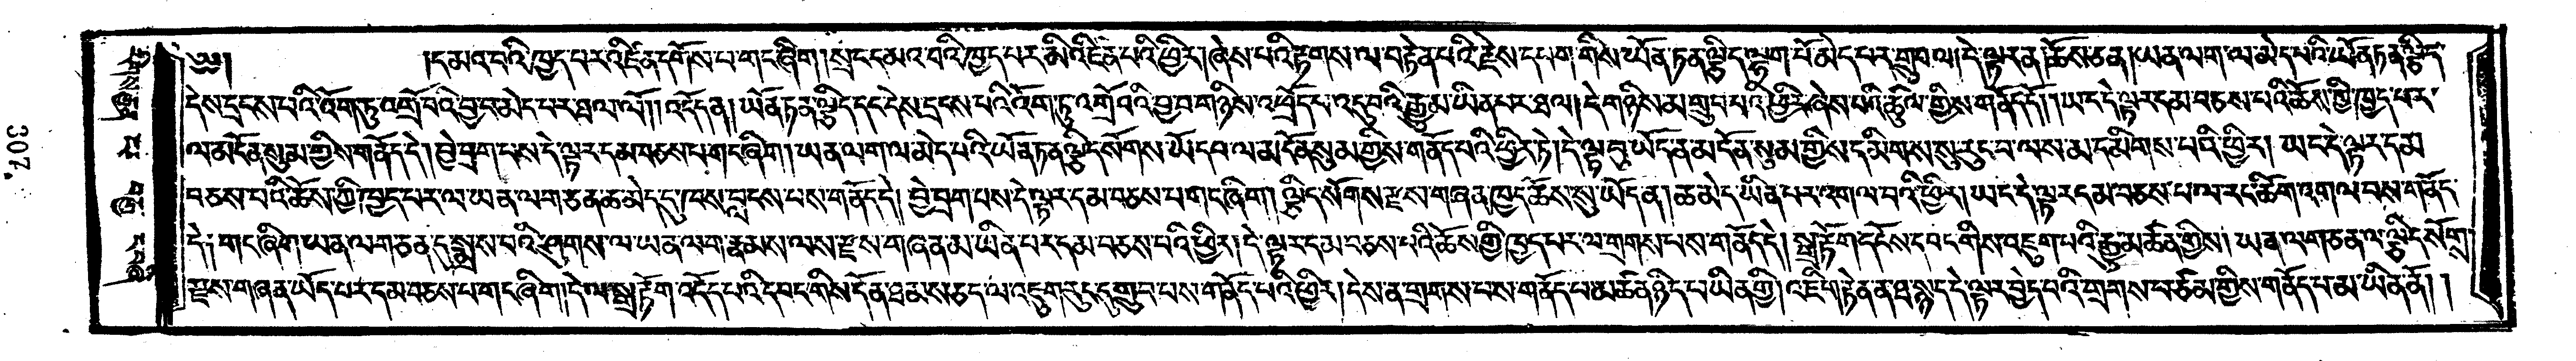༄༅། །དམའ་བའི་ཁྱད་པར་འཛིན་དགོས་པ་གང་ཞིག །སྲང་དམའ་བའི་ཁྱད་པར་མི་འཛིན་པའི་ཕྱིར། ཞེས་པའི་རྟགས་ལ་བརྟེན་པའི་རྗེས་དཔག་གིས་ཡོན་ཏན་ལྕིད་ལྷག་པོ་མེད་པར་གྲུབ་ལ། དེ་ལྟར་ན། ཆོས་ཅན། ཡན་ལག་ལ་མེད་པའི་ཡོན་ཏན་ལྕིད་
དེས་དྲངས་པའི་འོག་ཏུ་འགྲོ་བའི་བྱ་བ་མེད་པར་ཐལ་ལོ། །འདོད་ན། ཡོན་ཏན་ལྕིད་དང་དེས་དྲངས་པའི་འོག་ཏུ་འགྲོ་བའི་བྱ་བ་གཉིས་འཕྲོད་པ་འདུ་བའི་རྒྱུ་མ་ཡིན་པར་ཐལ། དེ་གཉིས་མ་གྲུབ་པའི་ཕྱིར་ཞེས་པའི་ཚུལ་གྱིས་གནོད་དོ། །ཡང་དེ་ལྟར་དམ་བཅས་པའི་ཆོས་ཀྱི་ཁྱད་པར་
ལ་མངོན་སུམ་གྱིས་གནོད་དེ། བྱེ་བྲག་པས་དེ་ལྟར་དམ་བཅས་པ་གང་ཞིག །ཡན་ལག་ལ་མེད་པའི་ཡོན་ཏན་ལྕིད་སོགས་ཡོད་པ་ལ་མངོན་སུམ་གྱིས་གནོད་པའི་ཕྱིར་ཏེ། དེ་ལྟ་བུ་ཡོད་ན་མངོན་སུམ་གྱིས་དམིགས་སུ་རུང་བ་ལས་མ་དམིགས་པའི་ཕྱིར། ཡང་དེ་ལྟར་དམ་
བཅས་པའི་ཆོས་ཀྱི་ཁྱད་པར་ལ་ཡན་ལག་ཅན་ཆ་མེད་དུ་ཁས་བླངས་པས་གནོད་དེ། བྱེ་བྲག་པས་དེ་ལྟར་དམ་བཅས་པ་གང་ཞིག །ལྕིད་སོགས་རྫས་གཞན་ཁྱད་ཆོས་སུ་ཡོད་ན། ཆ་མེད་ཡིན་པར་འགལ་བའི་ཕྱིར། ཡང་དེ་ལྟར་དམ་བཅས་པ་ལ་རང་ཚིག་འགལ་བས་གནོད་
དེ༑ གང་ཞིག་ཡན་ལག་ཅན་དུ་སྨྲས་པའི་ཤུགས་ལ་ཡན་ལག་རྣམས་ལས་རྫས་གཞན་མ་ཡིན་པར་དམ་བཅས་པའི་ཕྱིར། དེ་ལྟར་དམ་བཅས་པའི་ཆོས་ཀྱི་ཁྱད་པར་ལ་གྲགས་པས་གནོད་དེ། སྒྲ་རྟོག་དངོས་དབང་གིས་འཇུག་པའི་རྒྱུ་མཚན་གྱིས། ཡན་ལག་ཅན་ལ་ལྕིད་སོགས་
རྫས་གཞན་ཡོད་པར་དམ་བཅས་པ་གང་ཞིག། དེ་ལ་སྒྲ་རྟོག་འདོད་པའི་དབང་གིས་དོན་ཐམས་ཅད་ལ་འཇུག་རུང་དུ་གྲུབ་པས་གནོད་པའི་ཕྱིར། དེས་ན་གྲགས་པས་གནོད་པ་མཚན་ཉིད་པ་ཡིན་གྱི། འཇིག་རྟེན་ན་ཐ་སྙད་དེ་ལྟར་བྱེད་པའི་གྲགས་པ་ཙམ་གྱིས་གནོད་པ་མ་ཡིན་ནོ། །